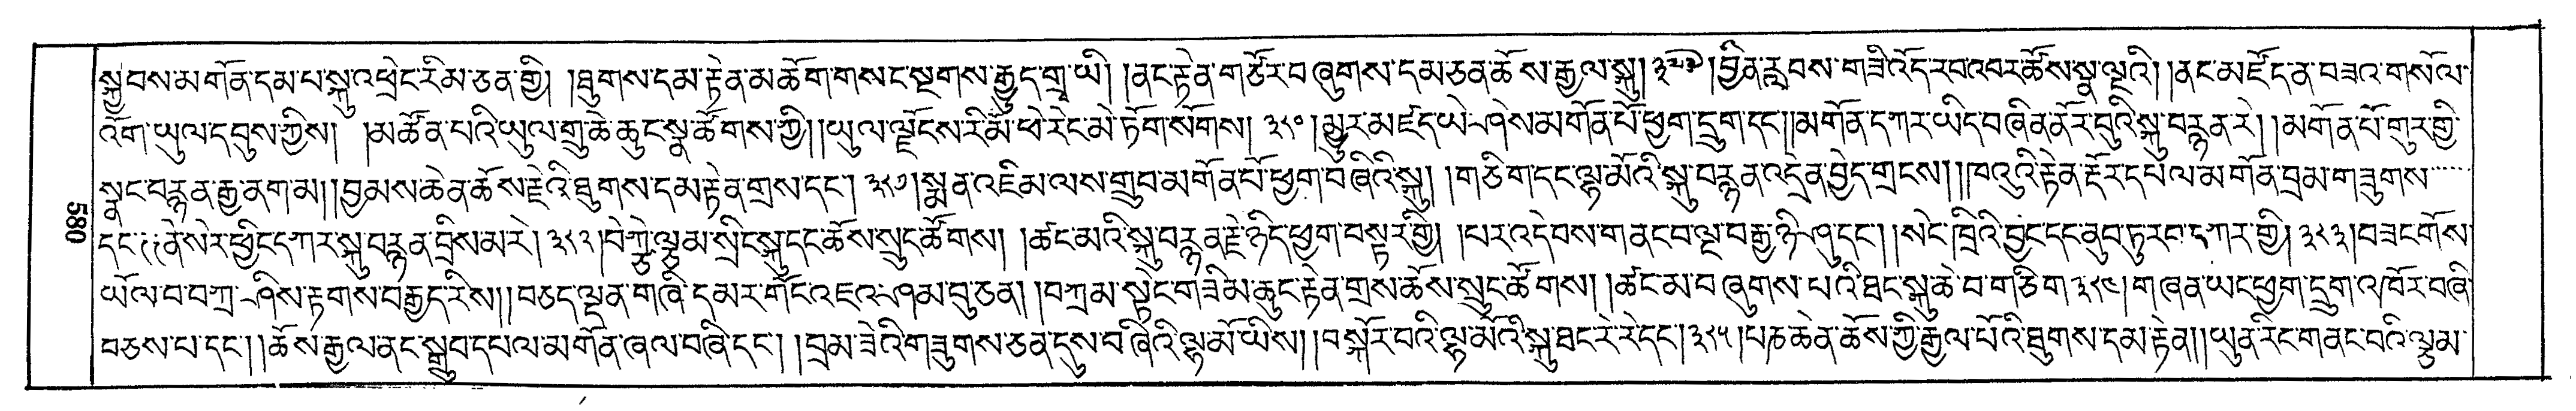སྐྱབས་མགོན་དམ་པ་སྐུ་འཕྲེང་རིམ་ཅན་གྱི། །ཐུགས་དམ་རྟེན་མཆོག་གསང་སྔགས་རྒྱུད་གྲྭ་ཡི། །ནང་རྟེན་གཙོར་བཞུགས་དམ་ཅན་ཆོས་རྒྱལ་སྐུ། ༣༧༧་།བྱིན་རླབས་གཟི་འོད་རབ་འབར་ཚོས་སྣ་ལྔའི། །ནང་མཛོད་བཟའ་གསོལ་
འོག་ཡུལ་དབུས་ཀྱིས། །མཚོན་པའི་ཡུལ་གྲུ་ཆེ་ཆུང་སྣ་ཚོགས་ཀྱི། །ཡུལ་ལྗོངས་རི་མོ་ཕེ་རེང་མེ་ཏོག་སོགས། ༣༨༠་།མྱུར་མཛད་ཡེ་ཤེས་མགོན་པོ་ཕྱག་དྲུག་དང་། །མགོན་དཀར་ཡིད་བཞིན་ནོར་བུའི་སྐུ་བརྙན་རེ། །མགོན་པོ་གུར་གྱི་
སྣང་བརྙན་རྒྱ་ནག་མ། །བྱམས་ཆེན་ཆོས་རྗེའི་ཐུགས་དམ་རྟེན་གྲགས་དང་། ༣༨༡་།སྨན་འཇིམ་ལས་གྲུབ་མགོན་པོ་ཕྱག་བཞིའི་སྐུ། །གཅིག་དང་ལྷ་མོའི་སྐུ་བརྙན་འདྲེན་བྱེད་གྲངས། །ཁའུའི་རྟེན་རྡོར་དཔལ་མགོན་བྲམ་གཟུགས་
དང༑ ༑ནེ་སེར་ཕྱིང་དཀར་སྐུ་བརྙན་བྲིས་མ་རེ། ༣༨༢་།བེཙེ་ལྕམ་སྲིང་སྐུ་དང་ཆོས་སྲུང་ཚོགས། །ཚད་མའི་སྐུ་བརྙན་རྗེ་ཉིད་ཕྱག་བསྟར་གྱི། །པར་འདེབས་གནང་བ་ལྔ་བརྒྱ་ཉི་ཤུ་དང་། །སེང་ཁྲིའི་བྱང་དང་ནུབ་ཏུ་རབ་དཀར་གྱི། ༣༨༣་།བཟང་གོས་
ཡོལ་བ་བཀྲ་ཤིས་རྟགས་བརྒྱད་རིས། །བཅད་ལྔན་གཞི་ང་མར་གོང་འཇའ་ཤམ་བུ་ཅན། །བཀྲ་མ་སྟེང་གཟིམ་ཆུང་རྟེན་གྲགས་ཆོས་སྲུང་ཚོགས། །ཚང་མ་བཞུགས་པའི་ཐང་སྐུ་ཆེ་བ་གཅིག ༣༨༤་།གཞན་ཡང་ཕྱག་དྲུག་འཁོར་བཞི་
བཅས་པ་དང་། །ཆོས་རྒྱལ་ནང་སྒྲུབ་དཔལ་མགོན་ཞལ་བཞི་དང་། །བྲམ་ཟེའི་གཟུགས་ཅན་དུས་བཞིའི་ལྷ་མོ་ཡིས། །བསྐོར་བའི་ལྷ་མོའི་སྐུ་ཐང་རེ་རེ་དང་། ༣༨༥་།པཎ་ཆེན་ཆོས་ཀྱི་རྒྱལ་པོའི་ཐུགས་དམ་རྟེན། །ཡུན་རིང་གནང་བའི་ལྕམ་